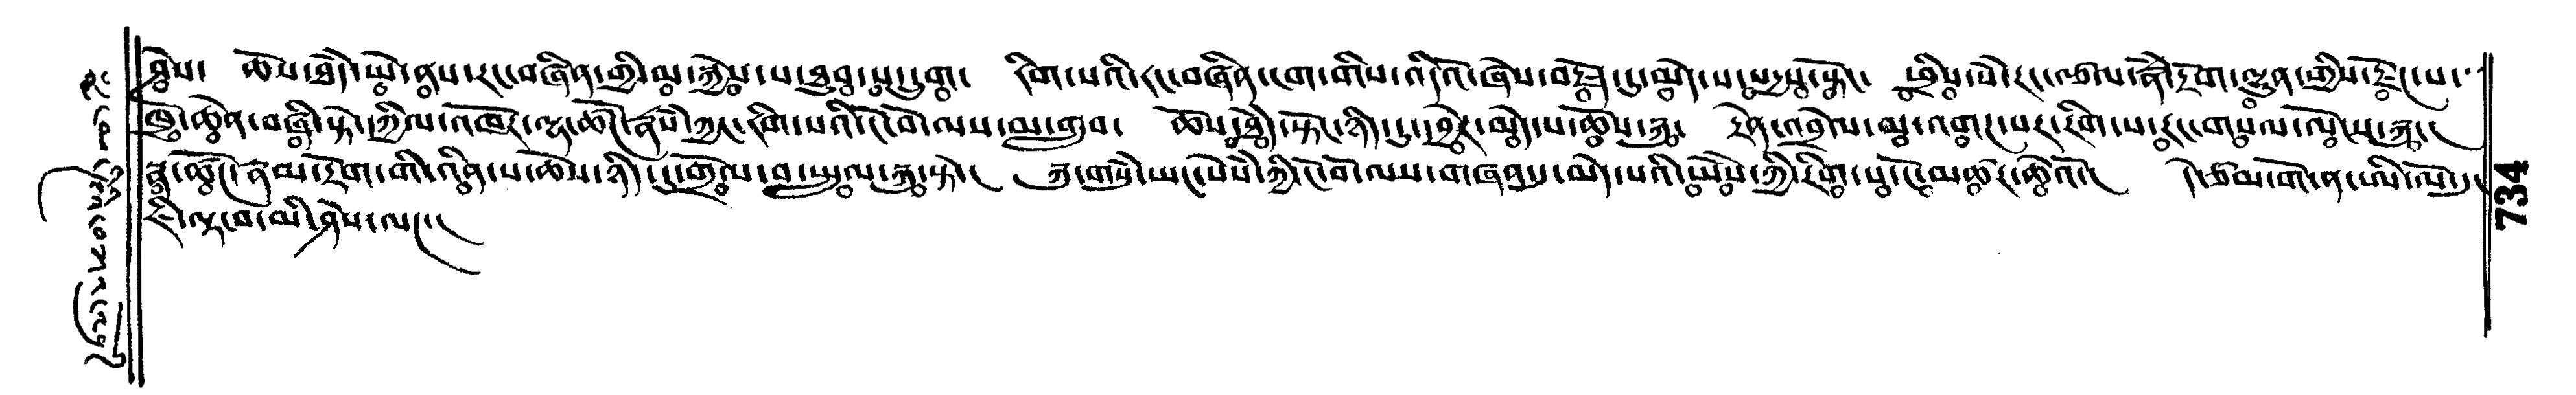ཤེས། ཆོས་ཐམས་ཅད་ཡེ་ནས་རང་བཞིན་གྱི་མ་སྐྱེས་པ་ཐུབ་པ་དྲུག རིག་པའི་རང་བཞིན་ངག་གིས་འདིའོ་ཞེས་བརྗོད་དུ་མེད་པ་སངས་རྒྱས་སྟོང་། ཕྲིན་ལས་སམ་རང་རྩལ་རྣམ་རྟོག་ལྷུན་གྱིས་རྫོགས་པ་
ཁྲོ་ཆེན་བཞི་སྟེ་དཀྱིལ་འཁོར་ལྷ་ཚོགས་རྣམས་ཀྱང་རིག་པའི་ངོ་བོ་ལས་མ་གྲུབ།ཆོས་ཐམས་ཅད་སྟོང་ཉིད་དུ་དབྱེར་མེད་པ་ཆོས་སྐུ། རྟེན་འབྲེལ་མ་འགག་པར་རིག་པ་རང་གསལ་ལོངས་སྐུ། 
སྣ་ཚོགས་རྣམ་རྟོག་གི་འཛིན་པ་ཆོས་ཉིད་དུ་གྲོལ་བ་སྤྲུལ་སྐུ་སྟེ། སྐུ་གསུམ་ཡང་སེམས་ཀྱི་ངོ་བོ་ལས་གཞན་དུ་མེད་པའི་ཡེ་ཤེས་ཀྱི་རིག་པ་ངོ་མཚར་ཆེའོ། དེ་ཙམ་གོ་ན་ཨི་ལོ་ ( དུ་ ? ) 
ཇི་ལྟ་བ་མི་ཤེས་ལགས།།